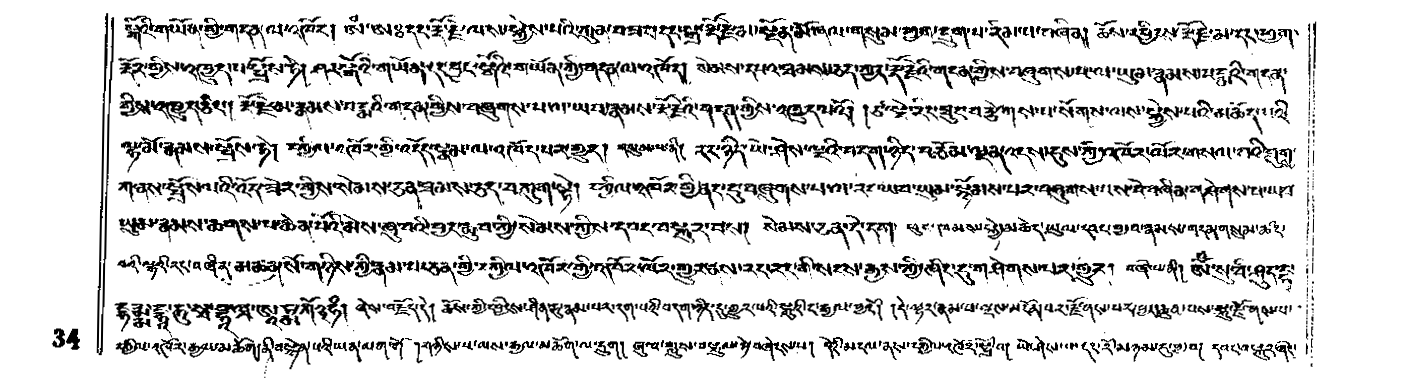སྒོའི་གཡོན་གྱི་གདན་ལ་འཁོད། ཨཾ་ཨཿ དང་རྡོ་རྗེ་ལས་སྐྱེས་པའི་ཀུན་བཟང་དང་སྒྲ་རྡོ་རྗེ་མ་སྔོན་མོ་ཞལ་གསུམ་ཕྱག་དྲུག་པ་རིམ་པ་བཞིན། ཆོས་དབྱིངས་རྡོ་རྗེ་མ་དང་ཕྱག་
རྡོར་གྱིས་འཁྱུད་པ་སྤྲོས་ཏེ། ཤར་སྒོའི་གཡོན་དང་བྱང་སྒོའི་གཡོན་གྱི་གདན་ལ་འཁོད། སེམས་དཔའ་ཐམས་ཅད་ཀྱང་རྡོ་རྗེའི་གདན་གྱིས་བཞུགས་པ་ལ་ཡུམ་རྣམས་པདམའི་གདན་
གྱིས་འཁྱུད་ཅིང་། རྡོ་རྗེ་མ་རྣམས་པདམའི་གདན་གྱིས་བཞུགས་པ་ལ་ཡབ་རྣམས་རྡོ་རྗེའི་གདན་གྱིས་འཁྱུད་པའོ། །ཙ་སྡེ་རིང་ཐུང་བརྩེགས་པ་སོགས་ལས་སྐྱེས་པའི་མཆོད་པའི་
ལྷ་མོ་རྣམས་སྤྲོས་ཏེ། དཀྱིལ་འཁོར་གྱི་འདོད་སྣམ་ལ་འཁོད་པར་གྱུར། གསུམ་པ་ནི།  རང་ཉིད་ཡེ་ཤེས་ལྔའི་བདག་ཉིད་བཅོམ་ལྡན་འདས་དུས་ཀྱི་འཁོར་ལོར་གསལ་བའི་ཐུགས་
ཀ་ནས་སྤྲོས་ལའི་འོད་ཟེར་གྱིས་སེམས་ཅན་ཐམས་ཅད་བཀུག་སྟེ། དཀྱིལ་འཁོར་གྱི་ནང་དུ་བཞུགས་པ་ལ་རང་ཡབ་ཡུམ་སྙོམས་པར་བཞུགས་པས་དེ་བཞིན་གཤེགས་པ་ཡབ་
ཡུམ་རྣམས་ཆགས་པ་ཆེན་པོའི་མེས་ཞུ་བའི་བྱང་ཆུབ་ཀྱི་སེམས་ཀྱིས་དབང་བསྐུར་བས། སེམས་ཅན་དེ་དག་ཕུང་ཁམས་སྐྱེ་མཆེད་ཡུལ་དབང་བྱ་བ་རྣམས་གདན་གསུམ་ཚང་
བའི་ལྷའི་རང་བཞིན་མཚན་སོ་གཉིས་ཀྱི་རྣམ་པར་ཅན་གྱི་དཀྱིལ་འཁོར་གྱི་འཁོར་ལོར་གྱུར་ནས་རང་རང་གི་སངས་རྒྱས་ཀྱི་ཞིང་དུ་གཤེགས་པར་གྱུར། བཞི་པ་ནི།  ཨོཾ་སུ་བི་ཤུད་དྷ་
དྷརྨྨ་དྷཱ་ཏུ་སྭ་བྷཱ་ལྭ?་ཨཱཏྨ་ཀོཉཧཾ། ཞེས་བརྗོད་དེ། ཆོས་ཀྱི་དབྱིངས་ཤིན་ཏུ་རྣམ་པར་དག་པའི་བདག་ཉིད་དུ་གྱུར་པའི་སྐུའི་ང་རྒྱལ་བྱའོ། །དེ་ལྟར་རྣམ་པ་ལྡས་མངོན་པར་རྫོགས་པར་བྱང་ཆུབ་པས་སྐུ་རྫོགས་པ་
དཀྱིལ་འཁོར་རྒྱལ་མཆོག། ནི་བསྙེན་པའི་ཡན་ལག་གོ །གཉིས་པ་ལས་རྒྱལ་མཆོག་ལ་དྲུག། ཞུ་བ་གླུས་བསྐུལ་ཏེ་བཞེངས་པ། དེའི་མངལ་ནས་དཀྱིལ་འཁོར་སྤྲོ་བ། ཡེ་ཤེས་པ་དང་རོ་མཉམ་དུ་བྱ་བ། དབང་བསྐུར་ཞིང་